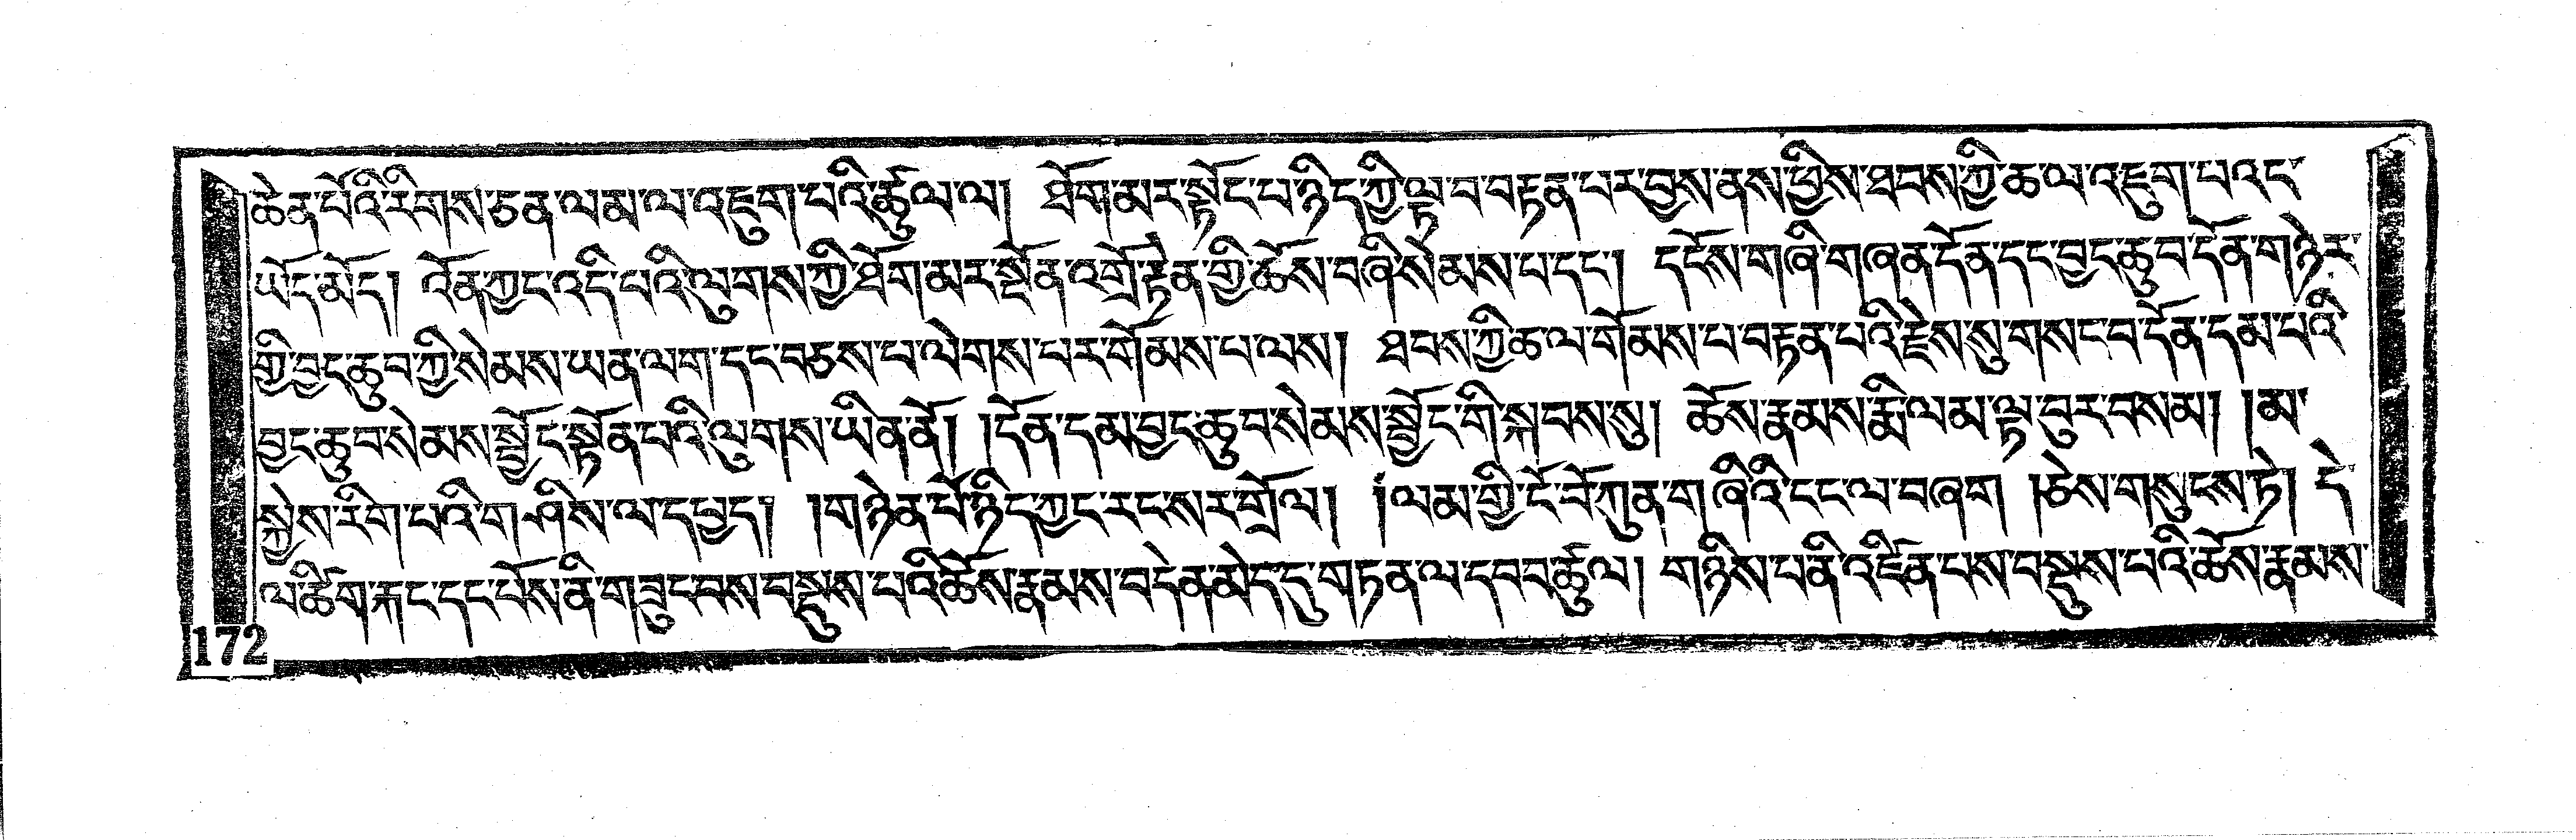ཆེན་པོའི་རིགས་ཅན་ལམ་ལ་འཇུག་པའི་ཚུལ་ལ། ཐོག་མར་སྟོང་པ་ཉིད་ཀྱི་ལྟ་བ་བརྟན་པར་བྱས་ནས་ཕྱིས་ཐབས་ཀྱི་ཆ་ལ་འཇུག་པའང་
ཡོད་མོད། འོན་ཀྱང་འདི་པའི་ལུགས་ཀྱི་ཐོག་མར་སྔོན་འགྲོ་རྟེན་གྱི་ཆོས་བཞི་སེམས་པ་དང་། དངོས་གཞི་གཞན་དོན་དང་བྱང་ཆུབ་དོན་གཉེར་
གྱི་བྱང་ཆུབ་ཀྱི་སེམས་ཡན་ལག་དང་བཅས་པ་ལེགས་པར་གོམས་པ་ལས། ཐབས་ཀྱི་ཆ་ལ་གོམས་པ་བརྟན་པའི་རྗེས་སུ་གསང་བ་དོན་དམ་པའི་
བྱང་ཆུབ་སེམས་སྦྱོང་སྟོན་པའི་ལུགས་ཡིན་ནོ། །དོན་དམ་བྱང་ཆུབ་སེམས་སྦྱོང་གི་སྐབས་སུ། ཆོས་རྣམས་རྨི་ལམ་ལྟ་བུར་བསམ། །མ་
སྐྱེས་རིག་པའི་གཤིས་ལ་དཔྱད། །གཉེན་པོ་ཉིད་ཀྱང་རང་སར་གྲོལ། །ལམ་གྱི་ངོ་བོ་ཀུན་གཞིའི་ངང་ལ་བཞག །ཅེས་གསུངས་ཏེ། དེ་
ལ་ཚིག་རྐང་དང་པོས་ནི་གཟུང་བས་བསྡུས་པའི་ཆོས་རྣམས་བདེན་མེད་དུ་གཏན་ལ་དབབ་ཚུལ། གཉིས་པ་ནི་འཛིན་པས་བསྡུས་པའི་ཆོས་རྣམས་